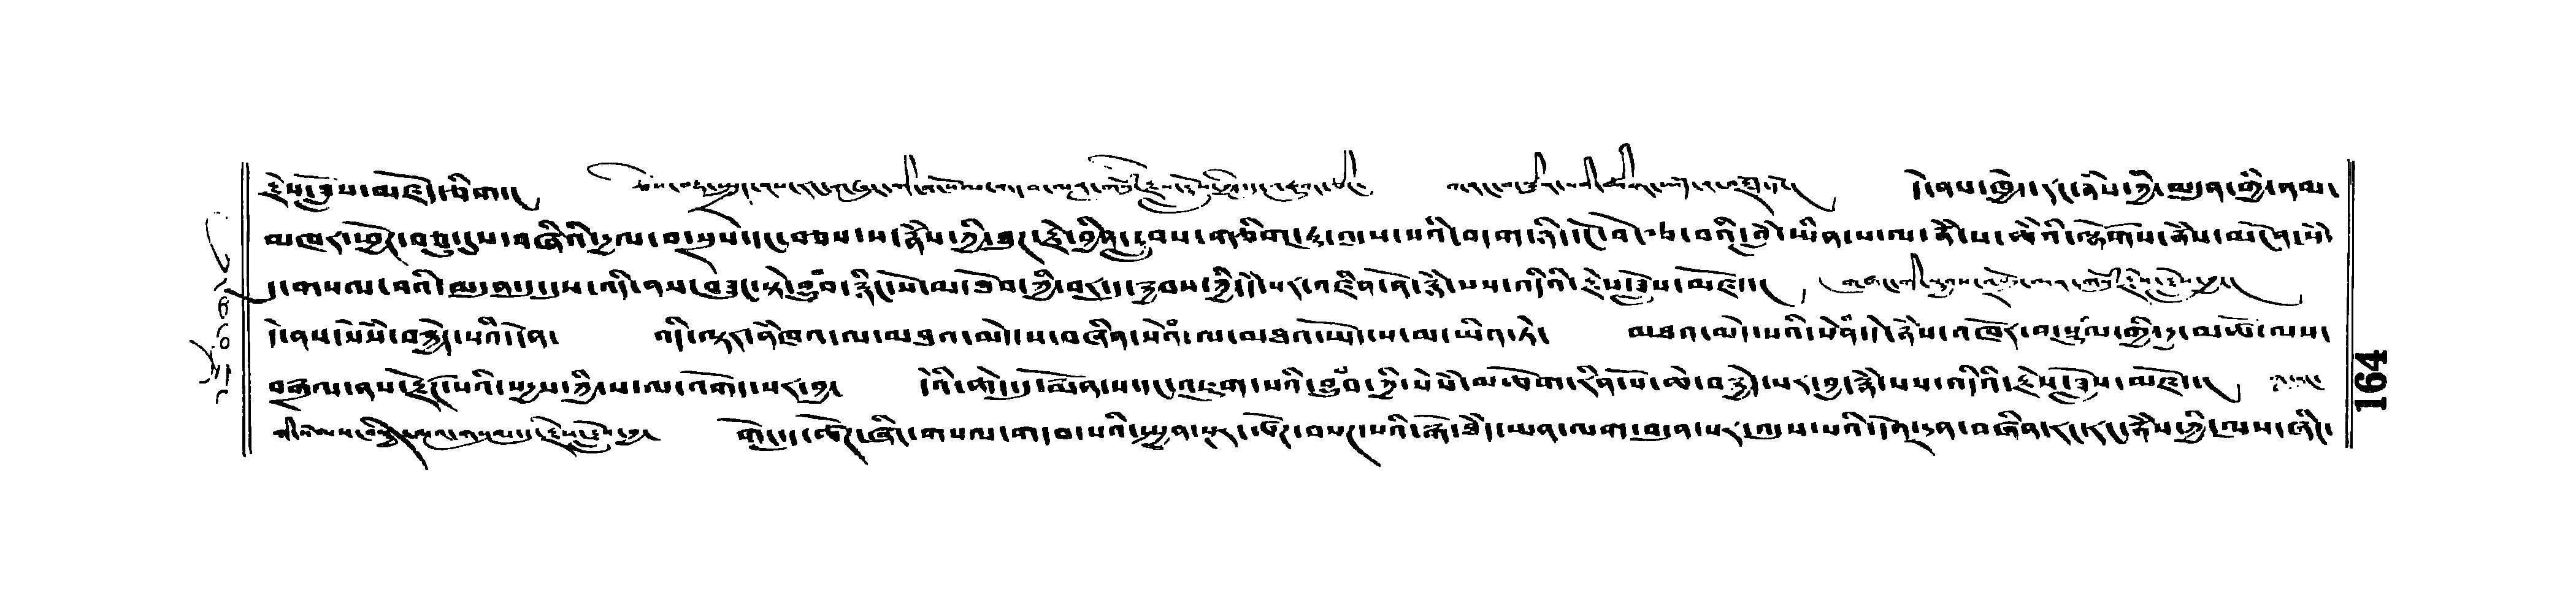རྗེས་ཟློས་མཛོད་ཅིག ཅེས་བརྡ་སྤྲད་ནས་རང་གཞུང་གི་གསོལ་གདབ་ལན་གསུམ་རྗེས་ཟློས་བྱེད་དུ་འཇུག་ཅིང་། གནང་བ་སྦྱིན་པའི་ཚིག་ཡོད་ན་བརྗོད་དོ། དེ་ནས་ཁྱེད་རང་རྣམས་ཀྱི་མདུན་གྱི་ནམ་
མཁར་ཕྱོགས་བཅུ་དུས་བཞིའི་རྒྱལ་བ་སྲས་དང་བཅས་པ་རྣམས་ཀྱི་ཐུགས་རྗེ་བྱིན་རླབས་གཅིག་ཏུ་འདུས་པའི་བདག་ཉིད་ངོ་བོ་རྩ་བའི་བླ་མ་ཡིན་པ་ལ་རྣམ་པ་ཚེའི་ལྷ་ཚོགས་རྣམས་མངོན་སུམ་
དུ་གསལ་བའི་མདུན་དུ་དུས་འདི་ནས་བཟུང་སྟེ་བྱང་ཆུབ་སྙིང་པོ་མ་ཐོབ་ཀྱི་བར་དུ་སྐྱབས་ཀྱི་དམ་པར་འཛིན་ནོ་སྙམ་པས་འདིའི་རྗེས་ཟློས་མཛོད། གཞུང་གི་སྐྱབས་འགྲོ་ལན་གསུམ་རྗེས་ཟློས་བྱ། 
དེ་ནས་སེམས་བསྐྱེད་པའི་དོན། འདི་ལྟར་ནམ་མཁའ་ལ་མཐའ་མེད་པ་བཞིན་སེམས་ཅན་ལ་མཐའ་ཡོད་པ་མ་ཡིན་ཏེ། མཐའ་མེད་པའི་སེམས་ཅན་དེ་རྣམས་འཁོར་བ་སྡུག་བསྔལ་གྱི་རྒྱ་མཚོ་ལས་
བསྒྲལ་ནས་རྫོགས་པའི་སངས་རྒྱས་ཀྱི་ས་ལ་འགོད་པར་བྱ། དེའི་ཆེད་དུ་སྨོན་པ་དང་འཇུག་པའི་བྱང་ཆུབ་ཀྱི་སེམས་མཆོག་རིན་པོ་ཆེ་བསྐྱེད་པར་བྱ་སྙམ་པས་འདིའི་རྗེས་ཟློས་མཛོད། གཞུང་
གི་སེམས་བསྐྱེད་ལན་གསུམ་དུ་རྗེས་ཟློས་བྱ། གོང་དུ་ཚོགས་ཞིང་གསལ་གདབ་པའི་སྤྱན་སྔར་ཚོགས་བསགས་པའི་སྒོ་ཐམས་ཅད་ཡན་ལག་བདུན་པར་འདུས་པའི་དོན་དྲན་བཞིན་རང་རང་རྣམས་ཀྱི་ལུས་ཞིང་